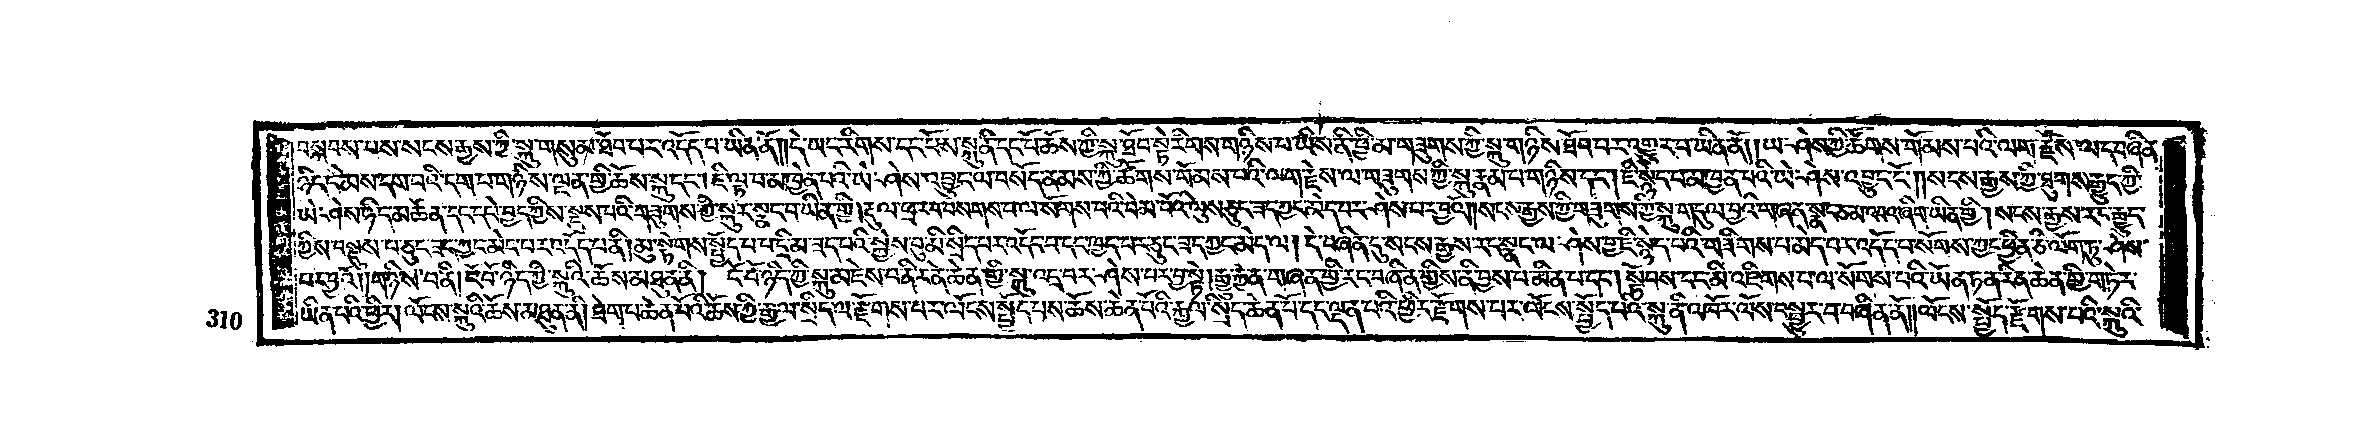བསྐབས་པས་སངས་རྒྱས་ཀྱི་སྐུ་གསུམ་ཐོབ་པར་འདོད་པ་ཡིན་ནོ། །དེ་ཡང་རིགས་དང་པོས་སྐུ་ནི་དང་པོ་ཆོས་ཀྱི་སྐུ་ཐོབ་སྟེ་རིགས་གཉིས་པ་ཡིས་ནི་ཕྱི་མ་གཟུགས་ཀྱི་སྐུ་གཉིས་ཐོབ་པར་འགྱུར་བ་ཡིན་ནོ། །ཡེ་ཤེས་ཀྱི་ཚོགས་གོམས་པའི་ལག་རྫོས་ལ་དེ་བཞིན་
ཉིད་དེ་མས?་དག་པའི་དག་པ་གཉིས་ལྡན་གྱི་ཆོས་སྐུ་དང་། ཇི་ལྟ་བ་མཁྱེན་པའི་ཡེ་ཤེས་འབྱུང་ལ་བསོད་ནམས་ཀྱི་ཚོགས་གོམས་པའི་ལག་རྗེས་ལ་གཟུགས་ཀྱི་སྐུ་རྣམ་པ་གཉིས་དང་། ཇི་སྙེད་པ་མཁྱེན་པའི་ཡེ་ཤེས་འབྱུང་ངོ། །སངས་རྒྱས་ཀྱི་ཐུགས་རྒྱུད་ཀྱི་
ཡེ་ཤེས་ཉིད་མཚོན་དང་དཔེ་བྱད་ཀྱིས་སྡུས་པའི་གཟུགས་ཀྱི་སྐུར་སྣང་བ་ཡིན་གྱི་།རྡུལ་ཕྲ་རབ་བསགས་པ་ལ་སོགས་པའི་བེམ་པོའི་ལུས་ཅུང་ཟད་ཀྱང་མེད་པར་ཤེས་པར་བྱའོ། །སངས་རྒྱས་ཀྱི་གཟུགས་ཀྱི་སྐུ་གདུལ་བྱའི་གཞན་སྣང་ཙམ་འབའ་ཞིག་ཡིན་གྱི་།སངས་རྒྱས་རང་རྒྱུད་
ཀྱིས་བསྡུས་པ་ཅུང་ཟད་ཀྱང་མེད་པར་འདོད་པ་ནི། མུ་སྟེགས་སྤྱོད་པ་བ་དྲི་མ་ཟད་པའི་སྐྱེས་བུ་མི་སྲིད་པར་འདོད་པ་དང་ཁྱད་པར་ཅུང་ཟད་ཀྱང་མེད་ལ། དེ་བཞིན་དུ་སངས་རྒྱས་རང་སྣང་ལ་ཤེས་བྱ་ཇི་སྙེད་པའི་གཟིགས་པ་མེད་པར་འདོད་པ་སོགས་ཀྱང་ཕྱིན་ཅི་ལོག་ཏུ་ཤེས་
པར་བྱའོ། །གཉིས་པ་ནི། ངོ་བོ་ཉིད་ཀྱི་སྐུའི་ཆོས་མཐུན་ནི། ངོ་བོ་ཉིད་ཀྱི་སྐུ་མཛེས་པ་ནི་རིན་ཆེན་གྱི་སྒུ་འདྲ་བར་ཤེས་པར་བྱ་སྟེ། རྒྱུ་རྐྱེན་གཞན་གྱི་རང་བཞིན་གྱིས་ནི་བྱས་པ་མིན་པ་དང་། སྟོབས་དང་མི་འཇིགས་པ་ལ་སོགས་པའི་ཡོན་ཏན་རིན་ཆེན་གྱི་གཏེར་
ཡིན་པའི་ཕྱིར། ལོངས་སྐུའི་ཆོས་མཐུན་ནི། ཐེག་པ་ཆེན་པོའི་ཆོས་ཀྱི་རྒྱལ་སྲིད་ལ་རྫོགས་པར་ལོངས་སྤྱོད་པས་ཆོས་ཆེན་པོའི་རྒྱལ་སྲིད་ཆེན་པོ་དང་ལྡན་པའི་ཕྱིར་རྫོགས་པར་ལོངས་སྤྱོད་པའི་སྐུ་ནི་འཁོར་ལོས་བསྒྱུར་བ་བཞིན་ནོ། །ལོངས་སྤྱོད་རྫོགས་པའི་སྐུའི་